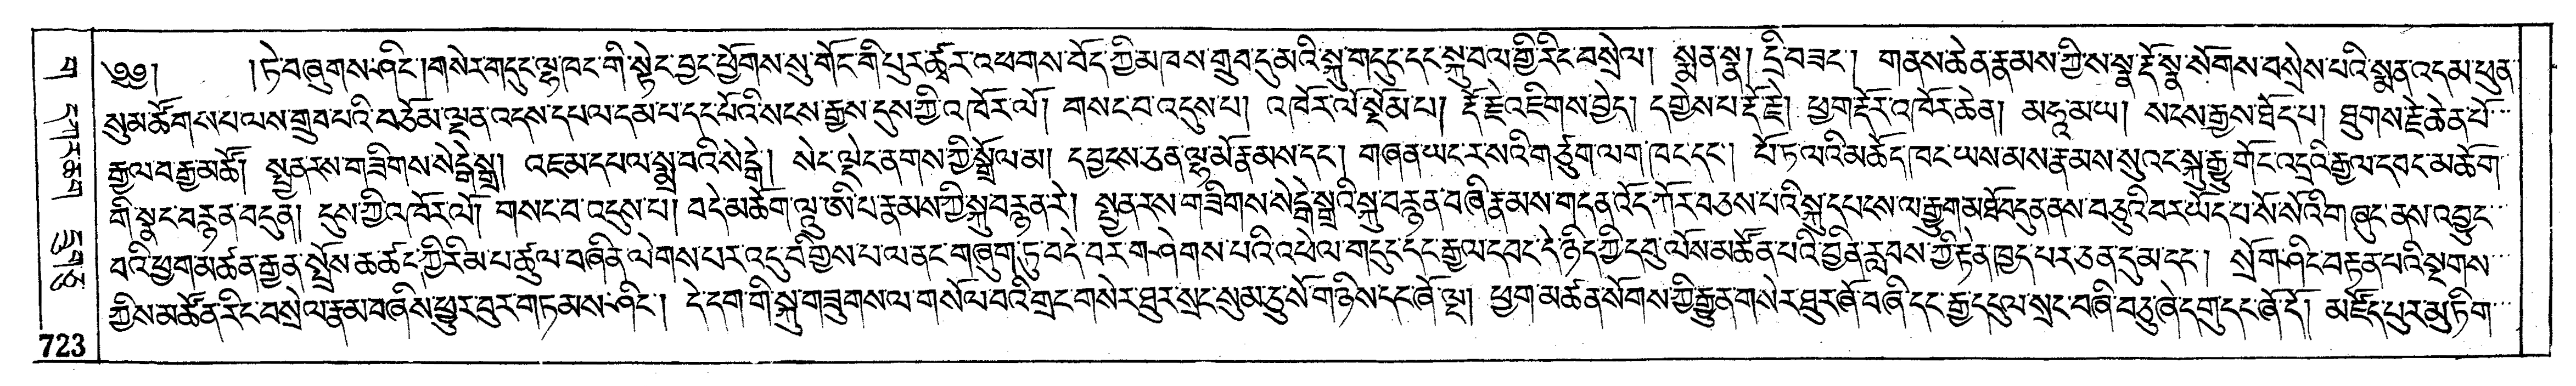༄༅། །ཏེ་བཞུགས་ཤིང་།གསེར་གདུང་ལྷ་ཁང་གི་སྟེང་བྱང་ཕྱོགས་སུ་གོང་གི་བུར་ཚྭར་འཕགས་བོད་ཀྱི་མཁས་གྲུབ་དུ་མའི་སྐུ་གདུང་དང་སྐུ་བལ་གྱི་རིང་བསྲེལ། སྨན་སྣ། དྲི་བཟང་། གནས་ཆེན་རྣམས་ཀྱིས་སྣ་རྡོ་སྣ་སོགས་བསྲེས་བའི་སྨན་འདམ་ཕུན་
སུམ་ཚོགས་པ་ལས་གྲུབ་པའི་བཅོམ་ལྡན་འདས་དཔལ་དམ་པ་དང་པོའི་སངས་རྒྱས་དུས་ཀྱི་འཁོར་ལོ། གསང་བ་འདུས་པ། འཁོར་ལོ་སྡོམ་པ། རྡོ་རྗེ་འཇིགས་བྱེད། དགྱེས་པ་རྡོ་རྗེ། ཕྱག་རྡོར་འཁོར་ཆེན། མ་ཧཱ་མ་ལ། སངས་རྒྱས་ཐོད་པ། ཐུགས་རྗེ་ཆེན་པོ་
རྒྱལ་བ་རྒྱ་མཚོ། སྤྱན་རས་གཟིགས་སེངྒེ་སྒྲ། འཇམ་དཔལ་སྨྲ་བའི་སེངྒེ། སེང་ལྡེང་ནགས་ཀྱི་སྒྲོལ་མ། དབྱངས་ཅན་ལྷ་མོ་རྣམས་དང་། གཞན་ཡང་ར་སའི་གཙུག་ལག་ཁང་དང་། པོ་ཏ་ལའི་མཆོད་ཁང་ཡས་མས་རྣམས་སུའང་སྐུ་རྒྱུ་གོང་འདྲའི་རྒྱལ་དབང་མཆོག་
གི་སྣང་བརྙན་བདུན། དུས་ཀྱི་འཁོར་ལོ། གསང་བ་འདུས་པ། བདེ་མཆོག་ལཱུ་ཨི་པ་རྣམས་ཀྱི་སྐུ་བརྙན་རེ། སྤྱན་རས་གཟིགས་སེངྒེ་སྒྲའི་སྐུ་བརྙན་བཞི་རྣམས་གདན་འོད་ཀོར་བཅས་པའི་སྐུ་དཔངས་ལ་རྒྱུག་མཐོ་བདུན་ནས་བཅུའི་བར་ཡོད་བ་སོ་སོའི་གཞུང་ནས་འབྱུང་
བའི་ཕྱག་མཚན་རྒྱན་སྤྲོས་ཆ་ཚང་ཀྱི་རིམ་པ་ཚུལ་བཞིན་ལེགས་པར་འདུ་བགྱིས་པ་ལ་ནང་གཞུག་ཏུ་བདེ་བར་གཤེགས་པའི་འཕེལ་གདུང་དང་རྒྱལ་དབང་དེ་ཉིད་ཀྱི་དབུ་ལོས་མཚོན་པའི་བྱིན་རླབས་ཀྱི་རྟེན་ཁྱད་པར་ཅན་དུམ་དང་། སྲོག་ཤིང་བརྟན་པའི་སྔགས་
ཀྱིས་མཚོན་རིང་བསྲེལ་རྣམ་བཞིས་ཕྱུར་བུར་གཏམས་ཤིང་། དེ་དག་གི་སྐུ་གཟུགས་ལ་གསོལ་བའི་གྲང་གསེར་ཐུར་སྲང་སུམ་ཅུ་སོ་གཉིས་དང་ཞོ་ལྔ། ཕྱག་མཚན་སོགས་ཀྱི་རྒྱུར་གསེར་ཐུར་ཞོ་བཞི་དང་རྒྱ་དངུལ་སྲང་བཞི་བཅུ་ཞེ་དགུ་དང་ཞོ་དོ། མཛོད་པུར་མུ་ཏིག་